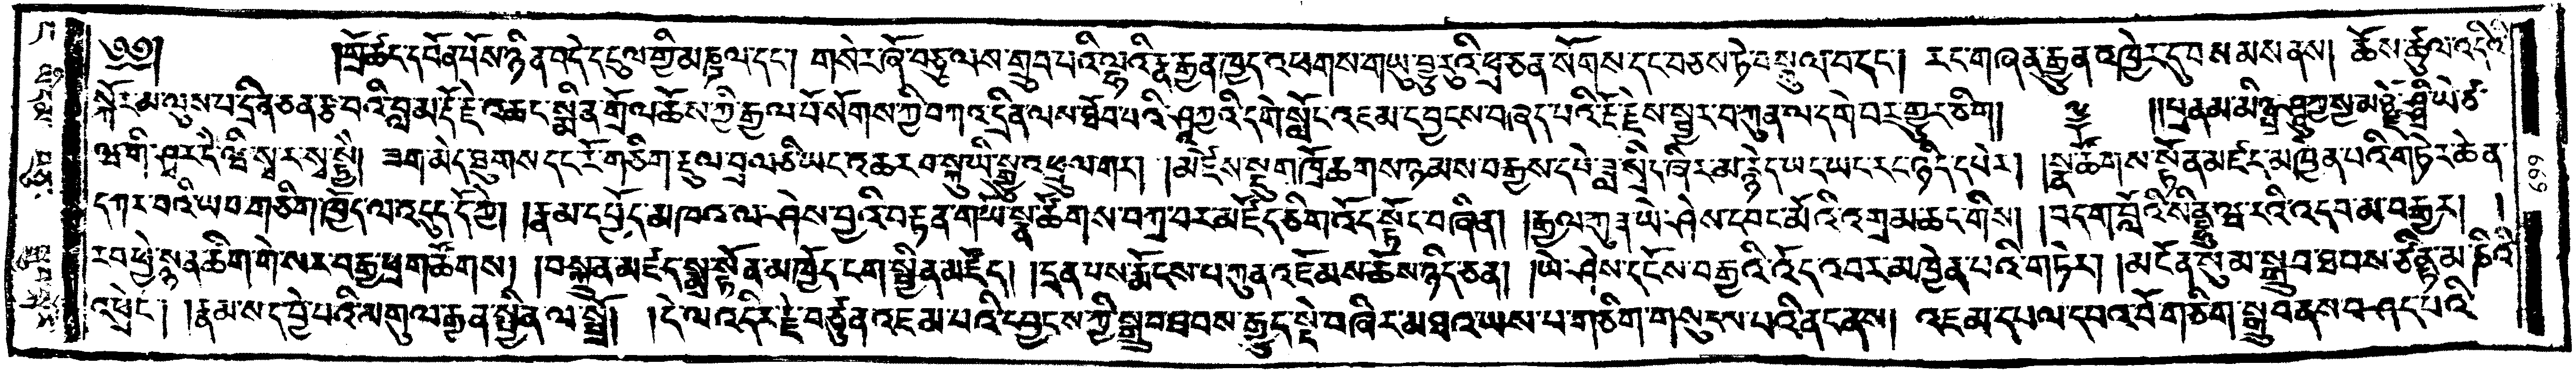༄༅། །གྲོ་ཚང་དབོན་པོས་ཉིན་བདེ་དངུལ་གྱི་མཎྜལ་དང་། གསེར་ཞོ་བཅུ་ལས་གྲུབ་པའི་ལྷའི་རྣ་རྒྱན་ཁྱད་འཕགས་གཡུ་བྱུ་རུའི་ཕྲ་ཅན་སོགས་དང་བཅས་ཏེ་བསྐུལ་བ་དང་། རང་གཞན་རྒྱུན་འཁྱེར་དུ་བསམས་ནས། ཆོས་ཚུལ་འདིའི་
སྐོར་མ་ལུས་པ་དྲིན་ཅན་རྩ་བའི་བླ་མ་རྡོ་རྗེ་འཆང་སྨིན་གྲོལ་ཆོས་ཀྱི་རྒྱལ་པོ་སོགས་ཀྱི་བཀའ་དྲིན་ལས་ཐོབ་པའི་ཤཱཀྱའི་དགེ་སློང་འཇམ་དབྱངས་བཞད་པའི་རྡོ་རྗེས་སྦྱར་བ་ཀུན་ལ་དགེ་བར་གྱུར་ཅིག། ༈ །།པྲ་ན་མ་མི་ཉྤྲ་ཤཱུཀྱ་སྱ་མཉོ་ཇ་ཤྴྲི་ཡེ་ཙ་
ཝ་གི་ཤྭར་དཻ་ཝི་སྭ་ར་སྭ་སྟྱཻ། ཟག་མེད་ཐུགས་དང་རོ་གཅིག་རྡུལ་བྲལ་ཅི་ཡང་འཆར་བསྐུ་ཡི་སྐྱུ་འཕྲུལ་གར། །མཛེས་སྡུག་ཁྲོ་ཆགས་ཉམས་བརྒྱས་དཔེ་ཟླ་སྲིད་ཞིར་མ་རྙེད་ཡང་ཡང་རང་ཉིད་དཔེར། །སྣ་ཚོགས་སྟོན་མཛད་མཁྱེན་པའི་གཏེར་ཆེན་
དཀར་བའི་ཡབ་གཅིག་ཁྱོད་ལ་འདུད་དོ་ཀྱེ། །རྣམ་དཔྱོད་མཁའ་ལ་ཤེས་བྱའི་བརྟན་གཡོ་སྣ་ཚོགས་བཀྲ་བར་མཛོད་ཅིག་འོང་སྟོང་བཞིན། །རྒྱལ་ཀུན་ཡེ་ཤེས་དབང་མོའི་འགྲམ་ཆང་གིས། །བདག་བློའི་སིནྡྷུ་ཝ་རའི་འདབ་མ་བརྒྱར། །
རབ་ཕྱེ་སྙན་ཚིག་གེ་སྲས་བརྒྱ་ཕྲག་ཚོགས། །བསྒྲུན་མཛད་སྨྲ་སྟོན་མཁྱོད་ངག་སྦྱིན་མཛོད། །དྲན་པས་རྨོངས་པ་ཀུན་འཇོམས་ཆོས་ཉིད་ཅན། །ཡེ་ཤེས་དངོས་བརྒྱའི་འོད་འབར་མཁྱེན་པའི་གཏེར། །མངོན་སུམ་སྒྲུབ་ཐབས་ཙིནྟ་མ་ཎིའི་
འཕྲེང་། །རྣམས་དབྱེད་པའི་མགུལ་རྒྱན་སྤྱིན་ལ་སྤྲོ། །དེ་ལ་འདིར་རྗེ་བཙུན་འཇམ་པའི་དབྱངས་ཀྱི་སྒྲུབ་ཐབས་རྒྱུད་སྡེ་བཞིར་མཐའ་ཡས་པ་གཅིག་གསུངས་པའི་ནང་ནས། འཇམ་དཔལ་དཔའ་བོ་གཅིག་སྒྲུབ་ནས་བཤད་པའི་